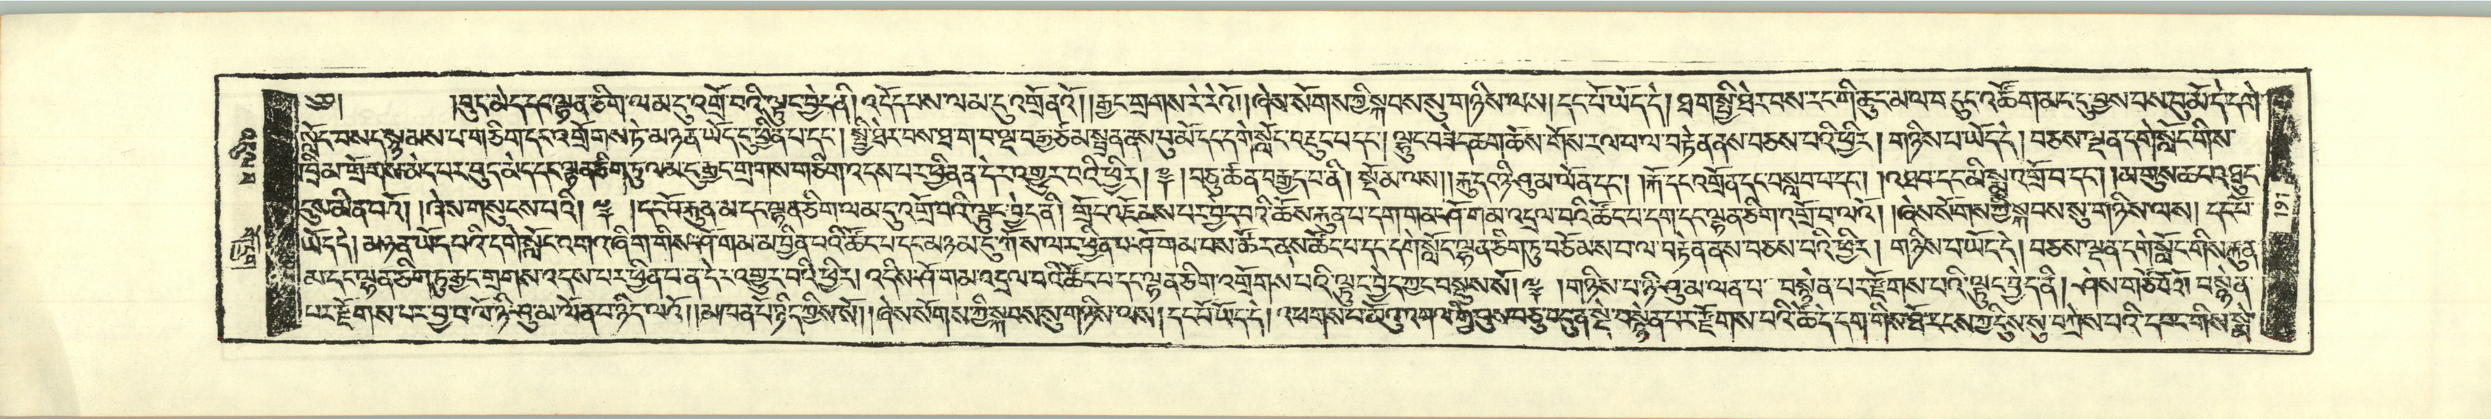༄༅། །བུད་མེད་དང་ལྷན་ཅིག་ལམ་དུ་འགྲོ་བའི་ལྟུང་བྱེད་ནི། འདོད་པས་ལམ་དུ་འགྲོ་ནའོ། །རྒྱང་གྲགས་རེ་རེའོ། །ཞེས་སོགས་ཀྱི་སྐབས་སུ་གཉིས་ལས། དང་པོ་ཡོད་དེ། ཐག་སྤྱི་ཐེར་བས་རང་གི་ཆུང་མ་ལ་བདུད་འཚོག་མང་དུ་བྱས་བས་བུ་མོ་དེ་དགེ་
སློང་བསད་སྙམས་པ་གཅིག་དང་འགྲོགས་ཏེ་མཉན་ཡོད་དུ་ཕྱིན་པ་དང་། སྤྱི་ཐེར་བས་ཐ་ག་བ་ལྔ་བརྒྱ་ཙམ་སྦྲན་ནས་པུ་མོ་དང་དགེ་སློང་བརྡུང་པ་དང་། ལྷུང་བཟེད་ཆག་ཆོས་གོས་རལ་བ་ལ་བརྟེན་ནས་བཅས་པའི་ཕྱིར། གཉིས་པ་ཡོད་དེ། བཅས་ལྡན་དགེ་སློང་གིས་
ཁྲིམ་གྲོགས་མེད་པར་བུད་མེད་དང་ལྷན་ཅིག་ཏུ་ལམ་དུ་རྒྱང་གྲགས་གཅིག་འདས་པར་ཕྱིན་ན་དེར་འགྱུར་བའི་ཕྱིར། ༈ །བཅུ་ཚན་བརྒྱད་པ་ནི། སྡོམ་ལས། །རྐུ་དང་ཉི་ཤུ་མ་ལོན་དང་། །རྐོ་དང་འགྲོན་དང་བསླབ་པ་དང་། །འཐབ་དང་མི་སྨྲ་འགྲོ་བ་དང་། །མ་གུས་ཆང་འཐུང་
དུས་མིན་པའོ། །ཞེས་གསུངས་པའི། ༈ །དང་པོ་རྐུན་མ་དང་ལྷན་ཅིག་ལམ་དུ་འགྲོ་བའི་ལྟུང་བྱེད་ནི། གྲོང་འཇོམས་པར་བྱེད་བའི་ཆོས་རྐུན་པ་དག་གམ་ཤོ་གམ་འདྲལ་བའི་ཚོང་པ་དག་དང་ལྷན་ཅིག་འགྲོ་བ་ལའོ། །ཞེས་སོགས་ཀྱི་སྐབས་སུ་གཉིས་ལས། དང་པོ་
ཡོད་དེ། མཉན་ཡོད་པའི་དགེ་སློང་འགའ་ཞིག་གིས་ཤོ་གམ་མ་བྱིན་པའི་ཚོང་པ་དང་མཉམ་དུ་གོས་ལར་ཕྱིན་པ་ཤོག་མ་པས་ཚོར་ནས་ཚོང་པ་དང་དགེ་སློང་ལྷན་ཅིག་ཏུ་བཅོམས་བ་ལ་བརྟེན་ནས་བཅས་པའི་ཕྱིར། གཉིས་པ་ཡོད་དེ། བཅས་ལྡན་དགེ་སློང་གིས་རྐུན་
མ་དང་ལྷན་ཅིག་ཏུ་རྒྱང་གྲགས་འདས་པར་ཕྱིན་པ་ན་དེར་འགྱུར་བའི་ཕྱིར། འདིས་ཤོ་གམ་འདྲལ་བའི་ཚོང་པ་དང་ལྷན་ཅིག་འགྲོགས་པའི་ལྟུང་བྱེད་ཀྱང་བསྡུས་སོ། ༈ །གཉིས་པ་ཉི་ཤུ་མ་ལན་པ་བསྙེན་པར་རྫོགས་པའི་ལྟུང་བྱེད་ནི། ཤེས་གཙོ་བོའོ། བསྙེན་
པར་རྫོགས་པར་བྱ་བ་ལོ་ཉི་ཤུ་མ་ལོན་པ་ཉིད་ལའོ། །མཁན་པོ་ཉིད་ཀྱིས་སོ། །ཞེས་སོགས་ཀྱི་སྐབས་སུ་གཉིས་ལས། དང་པོ་ཡོད་དེ། འཕགས་པ་མོའུ་འགལ་གྱི་བུས་བཅུ་བདུན་སྡེ་བསྙེན་པར་རྫོགས་པའི་ཚེ་དེ་དག་གིས་ཐོ་རངས་ཀྱི་དུས་སུ་བཀྲེས་པའི་དབང་གིས་སྨེ་